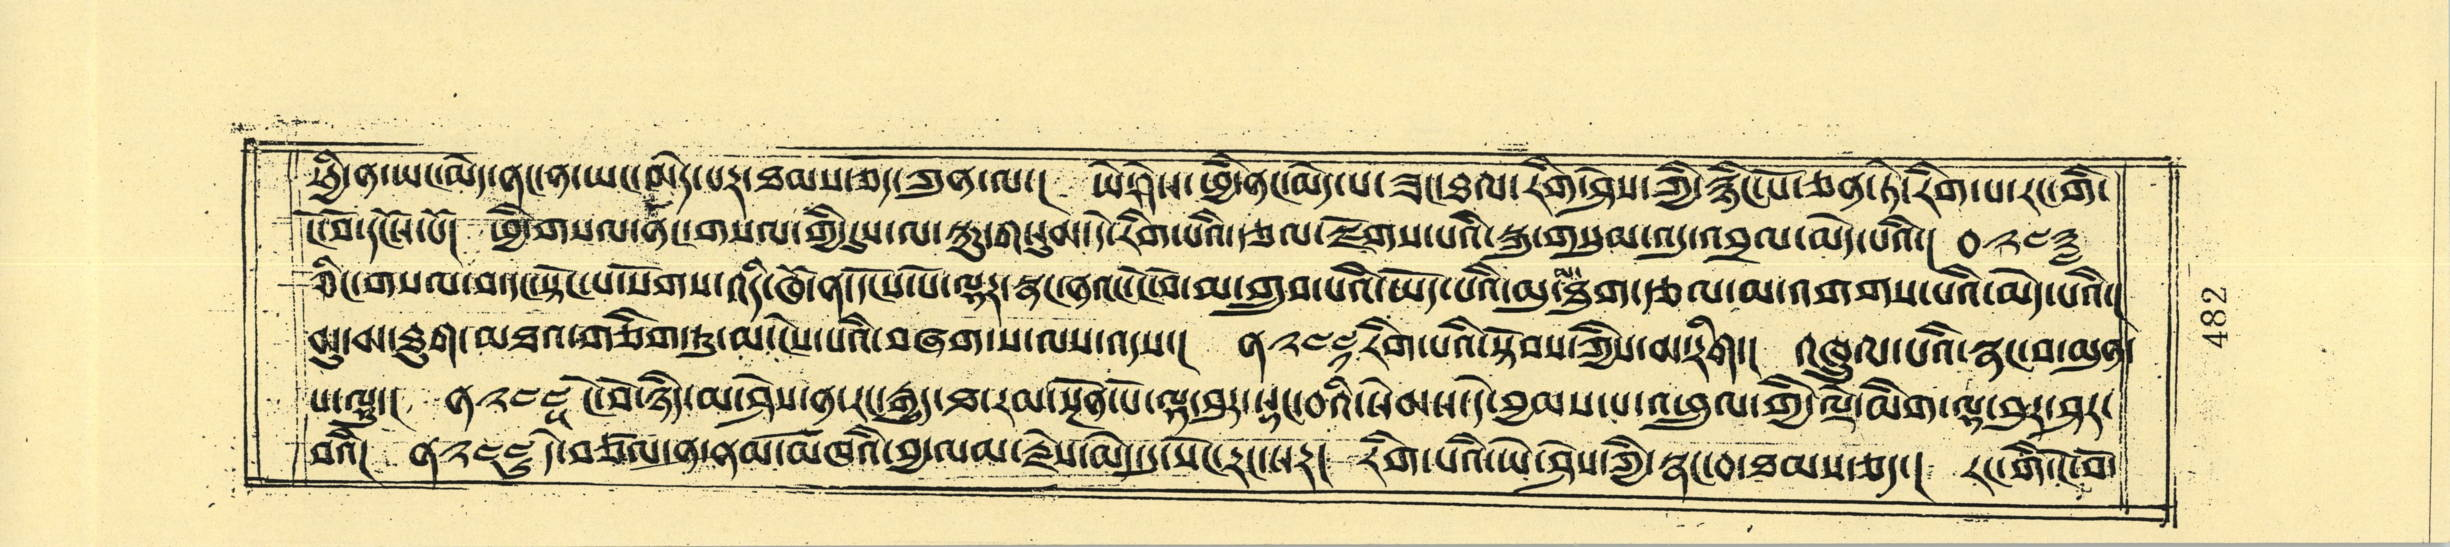༼ཕྱི༽ན་ཡང་མེད་༼ནང༽ནའང་མེད་པར་ཐམས་ཅད་ཀུན་ལ་༼ཡེ་ཤེས༽ཕྱི་ནང་མེད་པ་ཟང་ཐལ་རིག་ཤེས་ཀྱི་སྙིང་པོ་ཅན་ཏེ་རིག་པ་རང་གི་
ངོ་བོ་དངོས་པོ༽ཕྱི་གསལ་ནང་གསལ་གྱི་དུས་ལ་༼སྐུ་གསུམ༽དེ་རིག་པའི་རྩལ་རྫོགས་པའི་སྐུ་གསུམ་འདུ་འབྲལ་མེད་པའི་བ༢༤༢།༤
ཅིང་གསལ་བ་དང་སྟོང་པ་སོགས་༼འདི་ཁོ་ན་༽དངོས་པོི་ལྟར་སྣང་ན་ཡང་ངོ་བོ་མ་གྲུབ་པའི་ཡོད་པའི་མུ་ལ་ཐུག་རྩལ་མ་འགག་པའི་མེད་པའི་།
མུ་མ་ཐུག་མཐའ་གཅིག་ཏུ་མ་ངེས་པའི་བཞག་པ་ལས་འདས་ན༢༤༤།༡རིག་པའི་སྟོབས་ཀྱིས་༼མ་རིག འཁྲུལ་པའི༽སྣང་བ་མུན་
པ་ལྟ་བུ་ན༢༤༤།༥ ངོ་བོ་ཉིད་མ་ཤེས་ན་རང་རྒྱུད་ཐ་རམ་སྔོན་པོ་ལྟ་བུར་སྡང་བའི་སེམས་དེ་ལ་བྱམས་པ་འཕྲུལ་གྱི་ལྡེ་མིག་ལྟ་བུར་ཤར་
བའི་ན༢༤༤།༦ དེ་བཙལ་ན་ནམ་མཁའི་བྱ་ལམ་རྗེས་མེད་དུ་སོང་༼རང་སར༽རིག་པའི་ཡེ་ཤེས་ཀྱི་སྣང་བ་ཐམས་ཅད་རང་གི་ངོ་བོ་